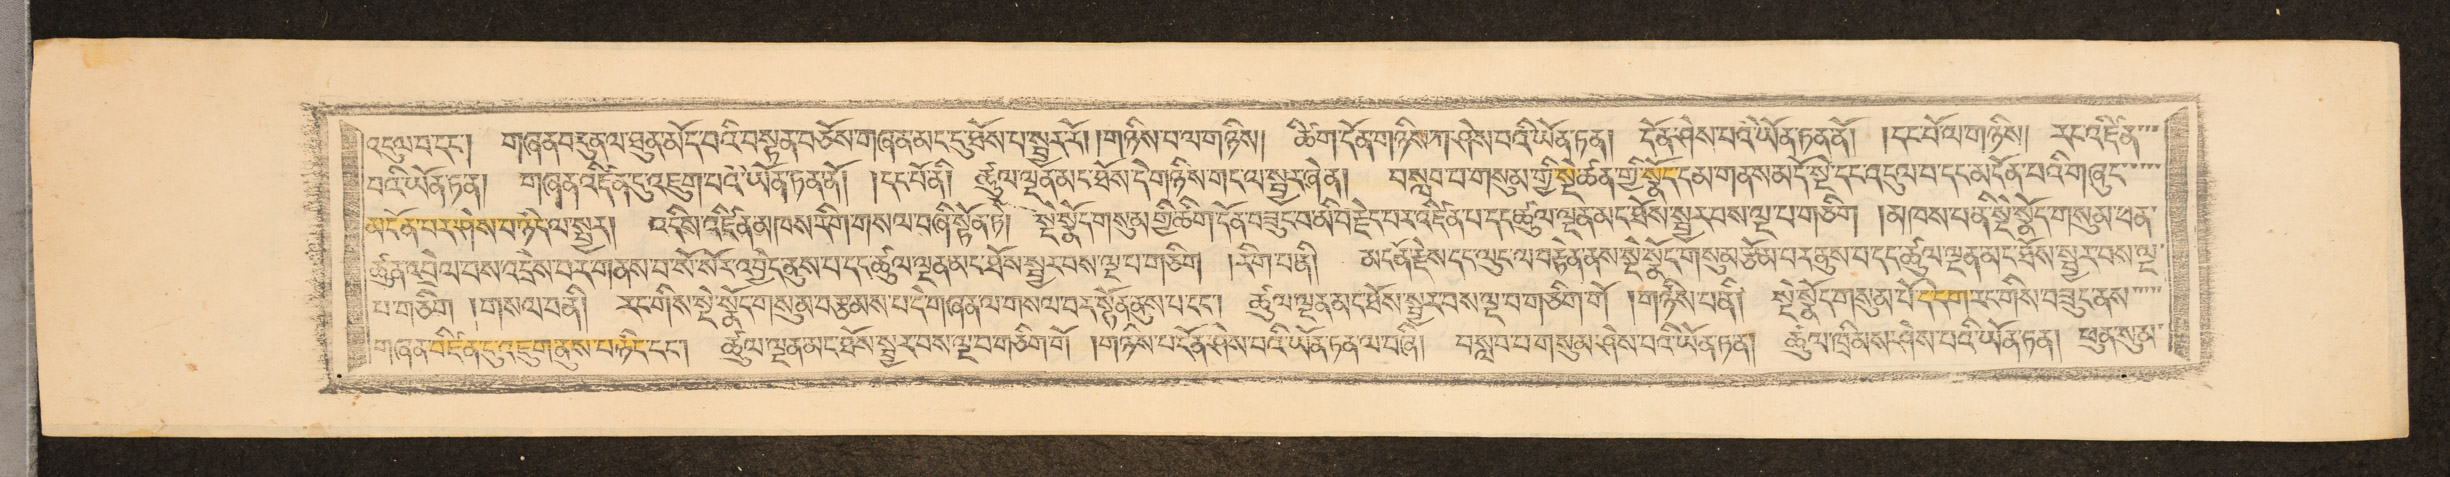འདུལ་བ་དང་། གཞན་བདུན་ལ་ཐུན་མོང་བའི་བསྟན་བཅོས་གཞན་མང་དུ་ཐོས་པ་སྦྱར་རོ། །གཉིས་པ་ལ་གཉིས། ཚིག་དོན་གཉིས་ཀ་ཤེས་པའི་ཡོན་ཏན། དོན་ཤེས་པའི་ཡོན་ཏན་ནོ། །དང་པོ་ལ་གཉིས། རང་འཛིན་
པའི་ཡོན་ཏན། གཞན་འཛིན་དུ་འཇུག་པའི་ཡོན་ཏན་ནོ་།དང་པོ་ནི། ཚུལ་ལྡན་མང་ཐོས་དེ་གཉིས་གང་ལ་སྦྱར་ཞེ་ན། བསླབ་པ་གསུམ་གྱི་སྡེ་ཚན་གྱི་སྣོད་དམ་གནས་མདོ་སྡེ་དང་འདུལ་བ་དང་མངོན་པའི་གཞུང་
མངོན་པར་ཤེས་པ་ཉིད་ལ་སྦྱར། འདིས་འཛིན་མཁས་རིག་གསལ་བཞི་སྟོན་ཏེ། སྡེ་སྣོད་གསུམ་གྱི་ཚིག་དོན་བཟུང་བ་མི་བརྗེད་པར་འཛིན་པ་དང་ཚུལ་ལྡན་མང་ཐོས་སྦྱར་བས་ལྔ་པ་གཅིག །མཁས་པ་ནི་སྡེ་སྣོད་གསུམ་ཕན་
ཚུན་འབྲེལ་བས་འདྲེས་པར་གནས་པ་སོ་སོར་འབྱེད་ནུས་པ་དང་ཚུལ་ལྡན་མང་ཐོས་སྦྱར་བས་ལྔ་པ་གཅིག །རིག་པ་ནི། མངོན་རྗེས་དང་ལུང་ལ་བརྟེན་ནས་སྡེ་སྣོད་གསུམ་རྩོམ་པར་ནུས་པ་དང་ཚུལ་ལྡན་མང་ཐོས་སྦྱར་བས་ལྔ་
པ་གཅིག །གསལ་བ་ནི། རང་གིས་སྡེ་སྣོད་གསུམ་བརྩམས་པ་དེ་གཞན་ལ་གསལ་བར་སྟོན་ནུས་པ་དང་། ཚུལ་ལྡན་མང་ཐོས་སྦྱར་བས་ལྔ་བ་གཅིག་གོ །གཉིས་པ་ནི། སྡེ་སྣོད་གསུམ་པོ་དེ་དག་རང་གིས་བཟུང་ནས་
གཞན་འཛིན་དུ་འཇུག་ནུས་པ་ཉིད་དང་། ཚུལ་ལྡན་མང་ཐོས་སྦྱར་བས་ལྔ་པ་གཅིག་གོ །གཉིས་པ་དོན་ཤེས་པའི་ཡོན་ཏན་ལ་བཞི། བསླབ་པ་གསུམ་ཤེས་པའི་ཡོན་ཏན། ཚུལ་ཁྲིམས་ཤེས་པའི་ཡོན་ཏན། ཕུན་སུམ་